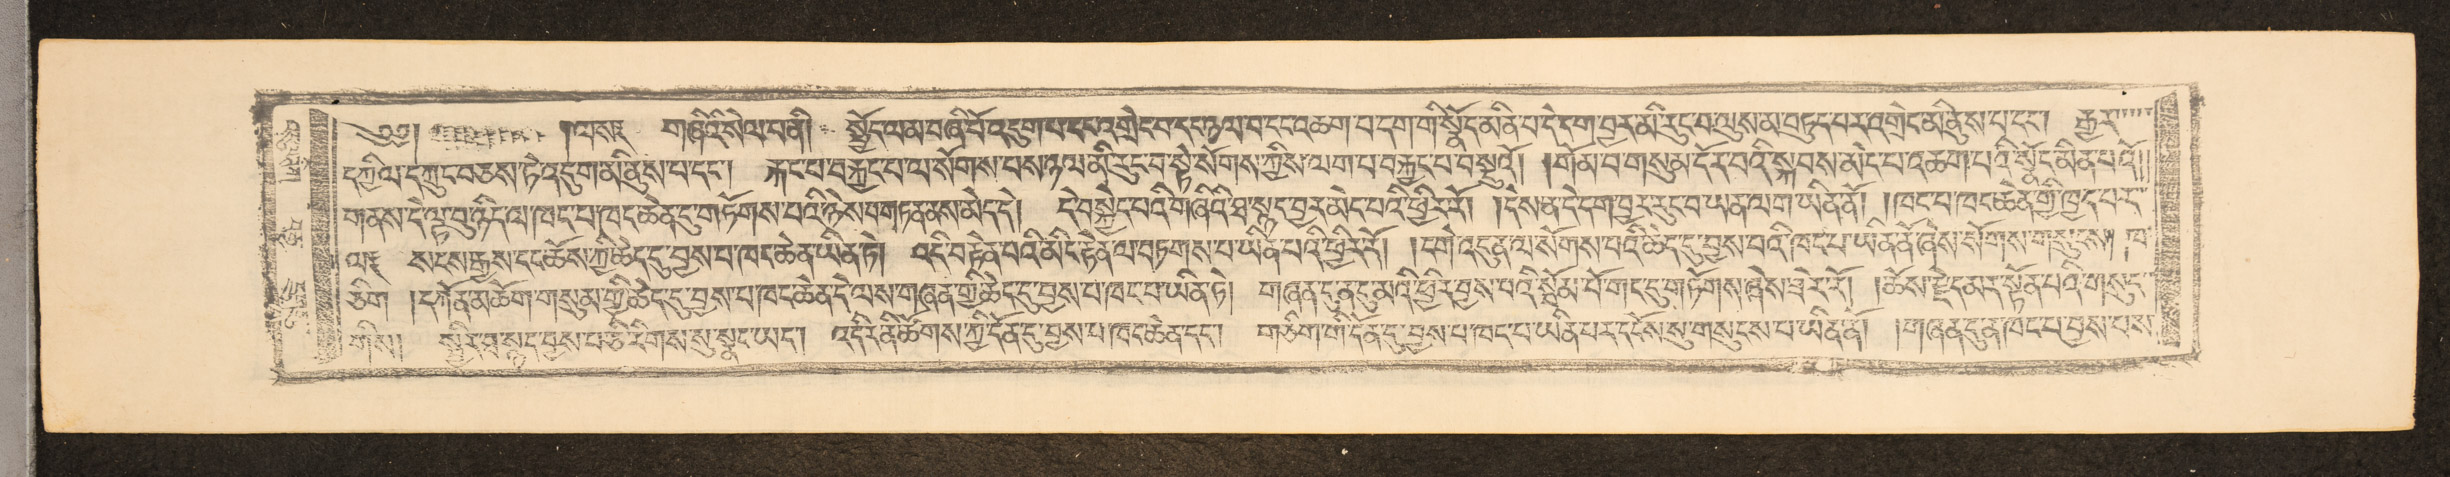༄༅། །ལས༑ གཞིའི་སེལ་པ་ནི། སྤྱོད་ལམ་བཞི་བོ་འདུག་པ་དང་འགྲེང་བ་དང་ཉལ་བ་དང་འཆག་པ་དག་གི་སྣོད་མིན་པ་དེ་དག་བྱར་མི་རུང་བ་ལུས་མ་བཏུད་བར་འགྲེང་མི་ནུས་པ་དང་། རྒྱར་
དཀྱིལ་དཀྲུང་བཅས་ཏེ་འདུག་མི་ནུས་པ་དང་། རྐང་པ་བརྐྱང་པ་ལ་སོགས་པས་ཉལ་མི་རུང་བ་སྟེ་སོགས་ཀྱིས་ལག་པ་བརྐྱང་པ་བསྡུའོ། །གོམ་པ་གསུམ་དོར་བའི་སྐབས་མེད་པ་འཆག་པའི་སྣོད་མིན་པའོ།།
གནས་དེ་ལྟ་བུ་ཉིད་ལ་ཁང་པ་ཁང་ཆེན་དུ་གཏོགས་པའི་ཉེས་པ་གཏན་ནས་མེད་དེ། དེ་བསྐྱེད་པའི་གཞིའི་ཐ་སྙད་བྱར་མེད་པའི་ཕྱིར་རོ། །དེས་ན་དེ་དག་བྱར་རུང་བ་ཡན་ལག་ཡིན་ནོ། །ཁང་པ་ཁང་ཆེན་གྱི་ཁྱད་པར་
ལ༑ སངས་རྒྱས་དང་ཆོས་ཀྱི་ཆེད་དུ་བྱས་པ་ཁང་ཆེན་ཡིན་ཏེ། འདི་བརྟེན་པའི་མིང་རྟེན་ལ་བཏགས་པ་ཡིན་པའི་ཕྱིར་རོ། །དགེ་འདུན་ལ་སོགས་པའི་ཆེད་དུ་བྱས་པའི་ཁང་པ་ཡིན་ནོ་ཞེས་སོགས་གསུངས། ཁ་
ཅིག །དཀོན་མཆོག་གསུམ་གྱི་ཆེད་དུ་བྱས་པ་ཁང་ཆེན་དེ་ལས་གཞན་གྱི་ཆེད་དུ་བྱས་པ་ཁང་པ་ཡིན་ཏེ། གཞན་དུ་ན་དུ་མའི་ཕྱིར་བྱས་པའི་སྦོམ་པོ་གང་དུ་གཏོགས་ཞེས་ཟེར་རོ། །ཆོས་རྗེ་དམར་སྟོན་པའི་གསུང་
གིས། སྤྱིར་ཐ་སྙད་བྱས་པ་ཅི་རིགས་སུ་སྣང་ཡང་། འདིར་ནི་ཚོགས་ཀྱི་དོན་དུ་བྱས་པ་ཁང་ཆེན་དང་། གཅིག་གི་དོན་དུ་བྱས་པ་ཁང་པ་ཡིན་པར་དངོས་སུ་གསུངས་པ་ཡིན་ནོ། །གཞན་དུ་ན་ཁང་པ་བྱས་པས་